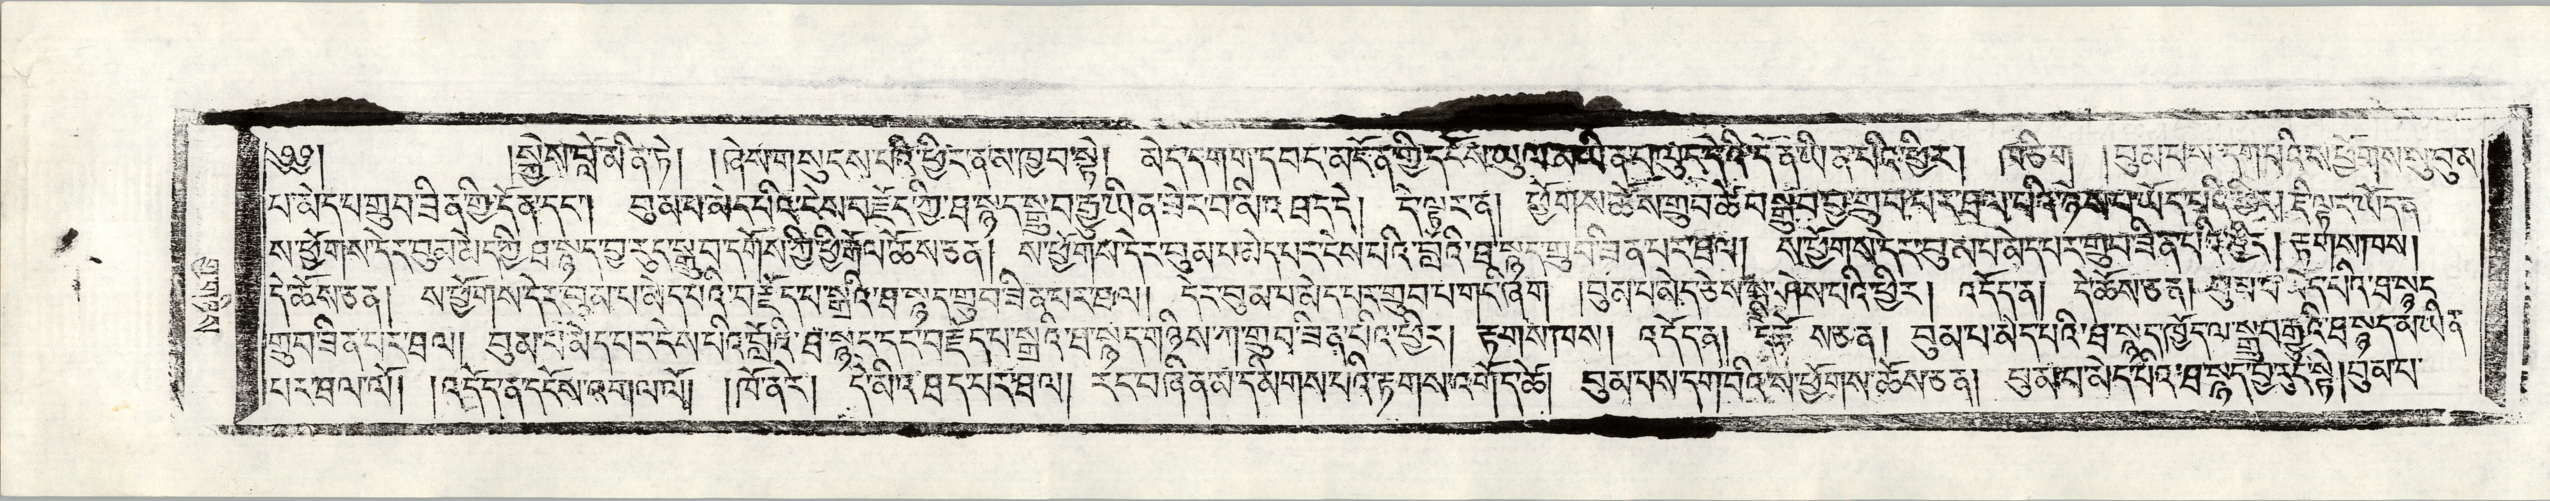༄༅། །སྐྱེས་བློ་མིན་ཏེ། །ཞེས་གསུངས་པའི་ཕྱིར་ན་མ་ཁྱབ་སྟེ། མེད་དགག་དབང་མངོན་གྱི་དངོས་ཡུལ་མ་ཡིན་པ་ལུང་དེའི་དོན་ཡིན་པའི་ཕྱིར། ཁ་ཅིག །བུམ་པས་དག་པའི་ས་ཕྱོགས་སུ་བུམ་
པ་མེད་པ་གྲུབ་ཟིན་གྱི་དོན་དང་།བུམ་པ་མེད་པའི་ངེས་བརྗོད་ཀྱི་ཐ་སྙད་སྒྲུབ་རྒྱུ་ཡིན་ཟེར་བ་མི་འཐད་དེ། དེ་ལྟར་ན། ཕྱོགས་ཆོས་གྲུབ་ཚེ་བསྒྲུབ་བྱ་གྲུབ་པར་ཐལ་བའི་ཉེས་པ་ཡོད་པའི་ཕྱིར། ཇི་ལྟར་ཡོད་ན་
ས་ཕྱོགས་དེར་བུམ་མེད་ཀྱི་ཐ་སྙད་བྱ་རུང་སྒྲུབ་དགོས་ཀྱི་ཕྱི་རྒོལ་ཆོས་ཅན། ས་ཕྱོགས་དེར་བུམ་པ་མེད་པར་ངེས་པའི་བློའི་ཐ་སྙད་གྲུབ་ཟིན་པར་ཐལ། ས་ཕྱོགས་དེར་བུམ་པ་མེད་པར་གྲུབ་ཟིན་པའི་ཕྱིར། རྟགས་ཁས།
དེ་ཆོས་ཅན། ས་ཕྱོགས་དེར་བུམ་པ་མེད་པའི་བརྗོད་པ་སྒྲའི་ཐ་སྙད་གྲུབ་ཟིན་པར་ཐལ། དེར་བུམ་པ་མེད་པར་གྲུབ་པ་གང་ཞིག །བུམ་པ་མེད་ཅེས་སྨྲ་ཤེས་པའི་ཕྱིར། འདོད་ན། དེ་ཆོས་ཅན། བུམ་པ་མེད་པའི་ཐ་སྙད་
གྲུབ་ཟིན་པར་ཐལ། བུམ་པ་མེད་པར་ངེས་པའི་བློའི་ཐ་སྙད་དང་བརྗོད་པ་སྒྲའི་ཐ་སྙད་གཉིས་ཀ་གྲུབ་ཟིན་པའི་ཕྱིར། རྟགས་ཁས། འདོད་ན། དེ་ཆོས་ཅན། བུམ་པ་མེད་པའི་ཐ་སྙད་ཁྱོད་ལ་སྒྲུབ་རྒྱུའི་ཐ་སྙད་མ་ཡིན་
པར་ཐལ་ལོ། །འདོད་ན་དངོས་འགལ་ལོ། །ཁོ་ན་རེ། དེ་མི་འཐད་པར་ཐལ། རང་བཞིན་མ་དམིགས་པའི་རྟགས་འགོད་ཚེ། བུམ་པས་དག་པའི་ས་ཕྱོགས་ཆོས་ཅན། བུམ་པ་མེད་པའི་ཐ་སྙད་བྱ་རུང་སྟེ། བུམ་པ་